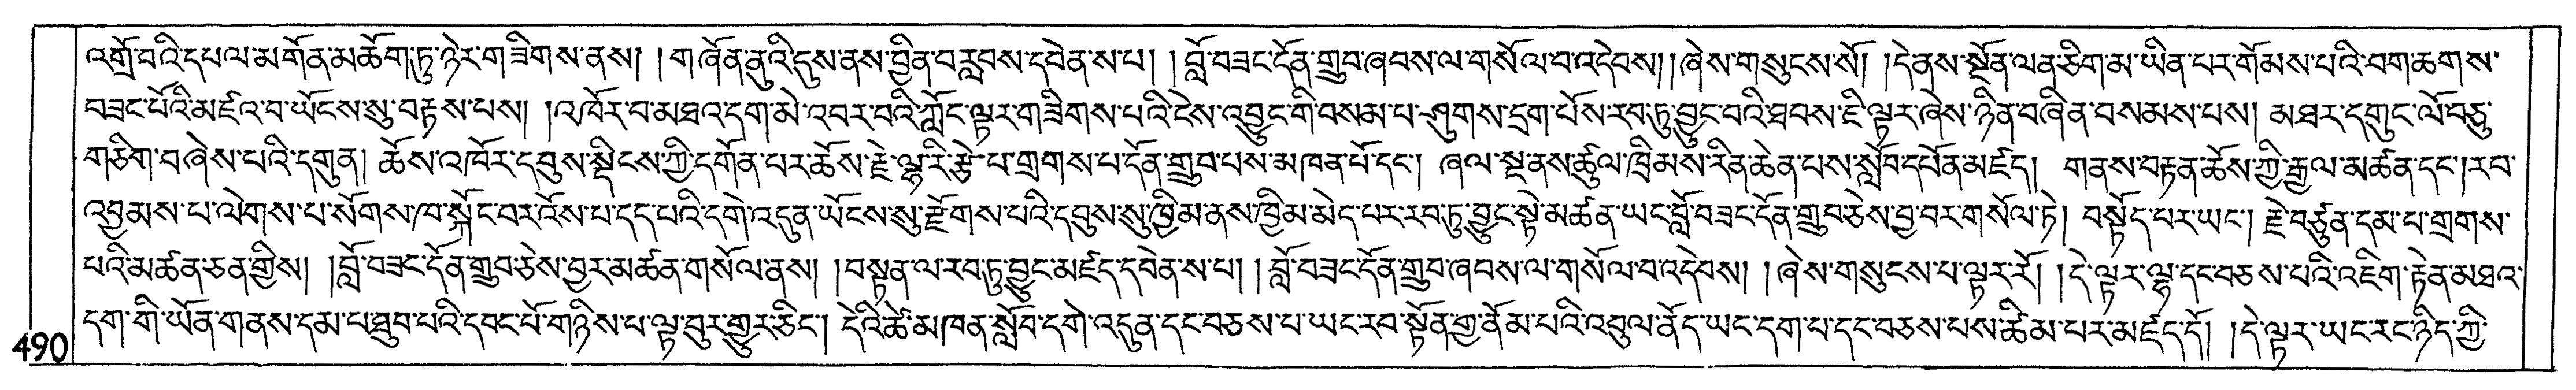འགྲོ་བའི་དཔལ་མགོན་མཆོག་ཏུ་ཉེར་གཟིགས་ནས། །གཞོན་ནུའི་དུས་ནས་བྱིན་བརླབས་དབེན་ས་པ། །བློ་བཟང་དོན་གྲུབ་ཞབས་ལ་གསོལ་བ་འདེབས། །ཞེས་གསུངས་སོ། །དེ་ནས་སྔོན་ལན་ཅིག་མ་ཡིན་པར་གོམས་པའི་བག་ཆགས་
བཟང་པོའི་མཛའ་བ་ཡོངས་སུ་བརྟས་པས། །འཁོར་བ་མཐའ་དག་མེ་འབར་བའི་ཀློང་ལྟར་གཟིགས་པའི་ངེས་འབྱུང་གི་བསམ་པ་ཤུགས་དྲག་པོས་རབ་ཏུ་བྱུང་བའི་ཐབས་ཇི་ལྟར་ཞེས་ཉིན་བཞིན་བསམས་པས། མཐར་དགུང་ལོ་བཅུ་
གཅིག་བཞེས་པའི་དགུན། ཆོས་འཁོར་དབུས་སྡིངས་ཀྱི་དགོན་པར་ཆོས་རྗེ་ལྷ་རི་རྩེ་པ་གྲགས་པ་དོན་གྲུབ་པས་མཁན་པོ་དང་། ཞལ་སྔ་ནས་ཚུལ་ཁྲིམས་རིན་ཆེན་པས་སློབ་དཔོན་མཛད། གནས་བརྟན་ཆོས་ཀྱི་རྒྱལ་མཚན་དང་། རབ་
འབྱམས་པ་ལེགས་པ་སོགས་ཁ་སྐོང་བར་འོས་པ་དད་པའི་དགེ་འདུན་ཡོངས་སུ་རྫོགས་པའི་དབུས་སུ་ཁྱིམ་ནས་ཁྱིམ་མེད་པར་རབ་ཏུ་བྱུང་སྟེ་མཚན་ཡང་བློ་བཟང་དོན་གྲུབ་ཅེས་བྱ་བར་གསོལ་ཏེ། བསྟོད་པར་ཡང་། རྗེ་བཙུན་དམ་པ་གྲགས་
པའི་མཚན་ཅན་གྱིས། །བློ་བཟང་དོན་གྲུབ་ཅེས་བྱར་མཚན་གསོལ་ནས། །བསྟན་ལ་རབ་ཏུ་བྱུང་མཛད་དབེན་ས་པ། །བློ་བཟང་དོན་གྲུབ་ཞབས་ལ་གསོལ་བ་འདེབས། །ཞེས་གསུངས་པ་ལྟར་རོ། །དེ་ལྟར་ལྷ་དང་བཅས་པའི་འཇིག་རྟེན་མཐའ་
དག་གི་ཡོན་གནས་དམ་པ་ཐུབ་པའི་དབང་པོ་གཉིས་པ་ལྟ་བུར་གྱུར་ཅིང་། དེའི་ཚེ་མཁན་སློབ་དགེ་འདུན་དང་བཅས་པ་ཡང་རབ་སྟོན་གྱ་ནོམ་པའི་འབུལ་ནོད་ཡང་དག་པ་དང་བཅས་པས་ཚིམ་པར་མཛད་དོ། །དེ་ལྟར་ཡང་རང་ཉིད་ཀྱི་